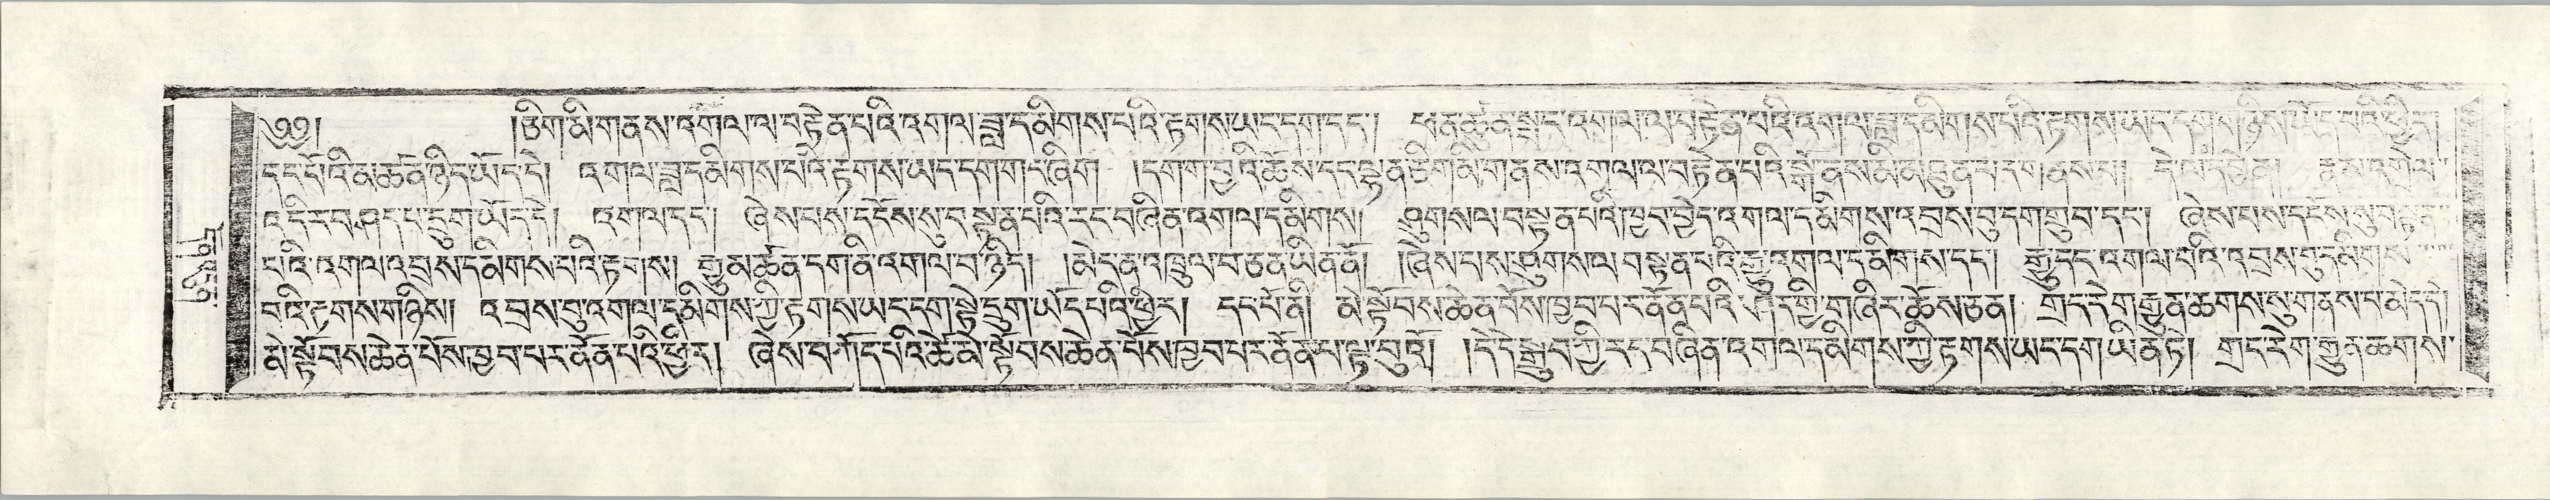༄༅། །ཅིག་མི་གནས་འགལ་ལ་བརྟེན་པའི་འགལ་ཟླ་དམིགས་པའི་རྟགས་ཡང་དག་དང་།ཕན་ཚུན་སྤང་འགལ་ལ་བརྟེན་པའི་འགལ་ཟླ་དམིགས་པའི་རྟགས་ཡང་དག་གཉིས་ཡོད་པའི་ཕྱིར།
དང་པོའི་མཚན་ཉིད་ཡོད་དེ། འགལ་ཟླ་དམིགས་པའི་རྟགས་ཡང་དག་གང་ཞིག །དགག་བྱའི་ཆོས་དང་ལྷན་ཅིག་མི་གནས་འགལ་ལ་བརྟེན་པའི་སྒོ་ནས་མི་མཐུན་པར་གནས་པ། དེ་ལ་དབྱེ་ན། རྣམ་འགྲེལ་
འདིར་བཤད་པ་དྲུག་ཡོད་དེ། འགལ་དང་།ཞེས་པས་དངོས་སུ་བསྟན་པའི་རང་བཞིན་འགལ་དམིགས། ཤུགས་ལ་བསྟན་པའི་ཁྱབ་བྱེད་འགལ་དམིགས། འབྲས་བུ་དག་གྲུབ་དང་།ཞེས་པས་དངོས་སུ་བསྟན་
པའི་འགལ་འབྲས་དམིགས་པའི་རྟགས། རྒྱུ་མཚན་དག་ནི་འགལ་བ་ཉིད། །མེད་ན་འཁྲུལ་བ་ཅན་ཡིན་ནོ། །ཞེས་པས་ཤུགས་ལ་བསྟན་པའི་རྒྱུ་འགལ་དམིགས་དང་།རྒྱུ་དང་འགལ་བའི་འབྲས་བུ་དམིགས་
པའི་རྟགས་གཉིས། འབྲས་བུ་འགལ་དམིགས་ཀྱི་རྟགས་ཡང་དག་སྟེ་དྲུག་ཡོད་པའི་ཕྱིར། དང་པོ་ནི། མེ་སྟོབས་ཆེན་པོས་ཁྱབ་པར་ནོན་པའི་ཤར་གྱི་གཞིར་ཆོས་ཅན། གྲང་རེག་རྒྱུན་ཆགས་སུ་གནས་པ་མེད་དེ།
མེ་སྟོབས་ཆེན་པོས་ཁྱབ་པར་ནོན་པའི་ཕྱིར། ཞེས་བཀོད་པའི་ཚེ་མེ་སྟོབས་ཆེན་པོས་ཁྱབ་པར་ནོན་པ་ལྟ་བུའོ། །དེ་དེ་སྒྲུབ་ཀྱི་རང་བཞིན་འགལ་དམིགས་ཀྱི་རྟགས་ཡང་དག་ཡིན་ཏེ། གྲང་རེག་རྒྱུན་ཆགས་